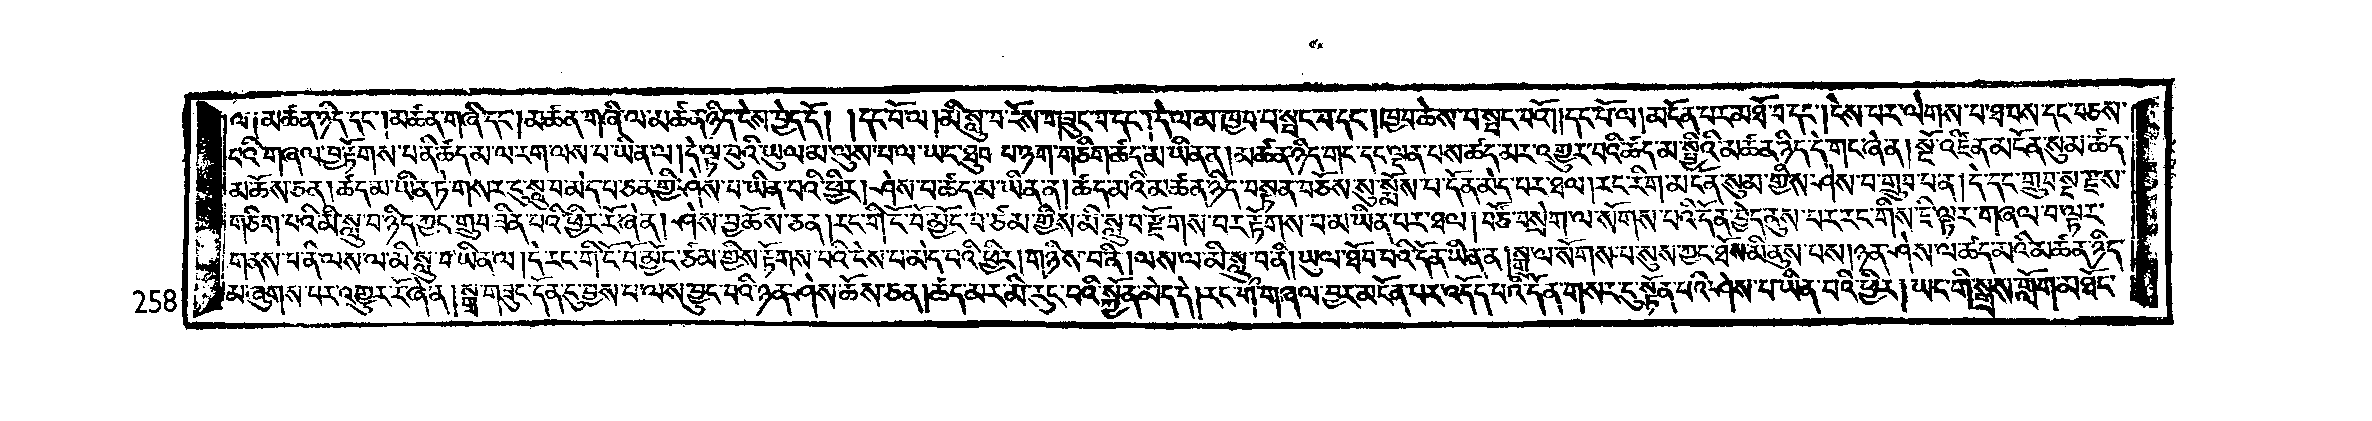ལ། མཚན་ཉིད་དང་། མཚན་གཞི་དང་། མཚན་གཞི་ལ་མཚན་ཉིད་ངེས་བྱེད་དོ། །དང་པོ་ལ། མི་སླུ་བ་ངོས་གཟུང་བ་དང་། དེ་ལ་མ་ཁྱབ་པ་སྤང་བ་དང་། ཁྱབ་ཆེས་པ་སྤང་པའོ། །དང་པོ་ལ། མངོན་པར་མཐོ་བ་དང་། ངེས་པར་ལེགས་པ་ཐབས་དང་བཅས་
པའི་གཞལ་བྱ་རྟོགས་པ་ནི་ཚད་མ་ལ་རག་ལས་པ་ཡིན་ལ། དེ་ལྟ་བུའི་ཡུལ་མ་ལུས་པ་ལ་ཡང་ཐུབ་པ་ཉག་གཅིག་ཚད་མ་ཡིན་ན། མཚན་ཉིད་གང་དང་ལྡན་པས་ཚད་མར་འགྱུར་བའི་ཚད་མ་སྤྱིའི་མཚན་ཉིད་དེ་གང་ཞེ་ན། སྔོ་འཛིན་མངོན་སུམ་ཚད་
མ་ཆོས་ཅན། ཚད་མ་ཡིན་ཏེ་གསར་དུ་སླུ་བ་མེད་པ་ཅན་གྱི་ཤེས་པ་ཡིན་པའི་ཕྱིར། ཤེས་པ་ཚད་མ་ཡིན་ན། ཚད་མའི་མཚན་ཉིད་བསྟན་བཅོས་སུ་སྨོས་པ་དོན་མེད་པར་ཐལ། རང་རིག་མངོན་སུམ་གྱིས་ཤེས་པ་གྲུབ་པ་ན། དེ་དང་གྲུབ་སྔ་རྫས་
གཅིག་པའི་མི་སླུ་བ་ཉིད་ཀྱང་གྲུབ་ཟིན་པའི་ཕྱིར་རོ་ཞེ་ན། ཤེས་བྱ་ཆོས་ཅན། རང་གི་ངོ་བོ་མྱོང་བ་ཙམ་གྱིས་མི་སླུ་བ་རྫོགས་པར་རྟོགས་པ་མ་ཡིན་པར་ཐལ། བཙོ་བསྲེག་ལ་སོགས་པའི་དོན་བྱེད་ནུས་པར་རང་གིས་ཇི་ལྟར་གཞལ་བ་ལྟར་
གནས་པ་ནི་ལས་ལ་མི་སླུ་བ་ཡིན་ལ། དེ་རང་གི་ངོ་བོ་མྱོང་ཙམ་གྱིས་རྟོགས་པའི་ངེས་པ་མེད་པའི་ཕྱིར། གཉིས་པ་ནི། ལས་ལ་མི་སླུ་བ་ནི། ཡུལ་ཐོབ་པའི་དོན་ཡིན་ན། སྒྲ་ལ་སོགས་པ་སུས་ཀྱང་ཐོས་མི་ནུས་པས། ཉན་ཤེས་ལ་ཚད་མའི་མཚན་ཉིད་
མ་ཞུགས་པར་འགྱུར་རོ་ཞེ་ན། སྒྲ་གཟུང་དོན་དུ་བྱས་པ་ལས་བྱུང་བའི་ཉན་ཤེས་ཆོས་ཅན། ཚད་མར་མི་རུང་བའི་སྐྱོན་མེད་དེ། རང་གི་གཞལ་བྱར་མངོན་པར་འདོད་པའི་དོན་གསར་དུ་སྟོན་པའི་ཤེས་པ་ཡིན་པའི་ཕྱིར། ཡང་གི་སྒྲས་གློག་མཐོང་